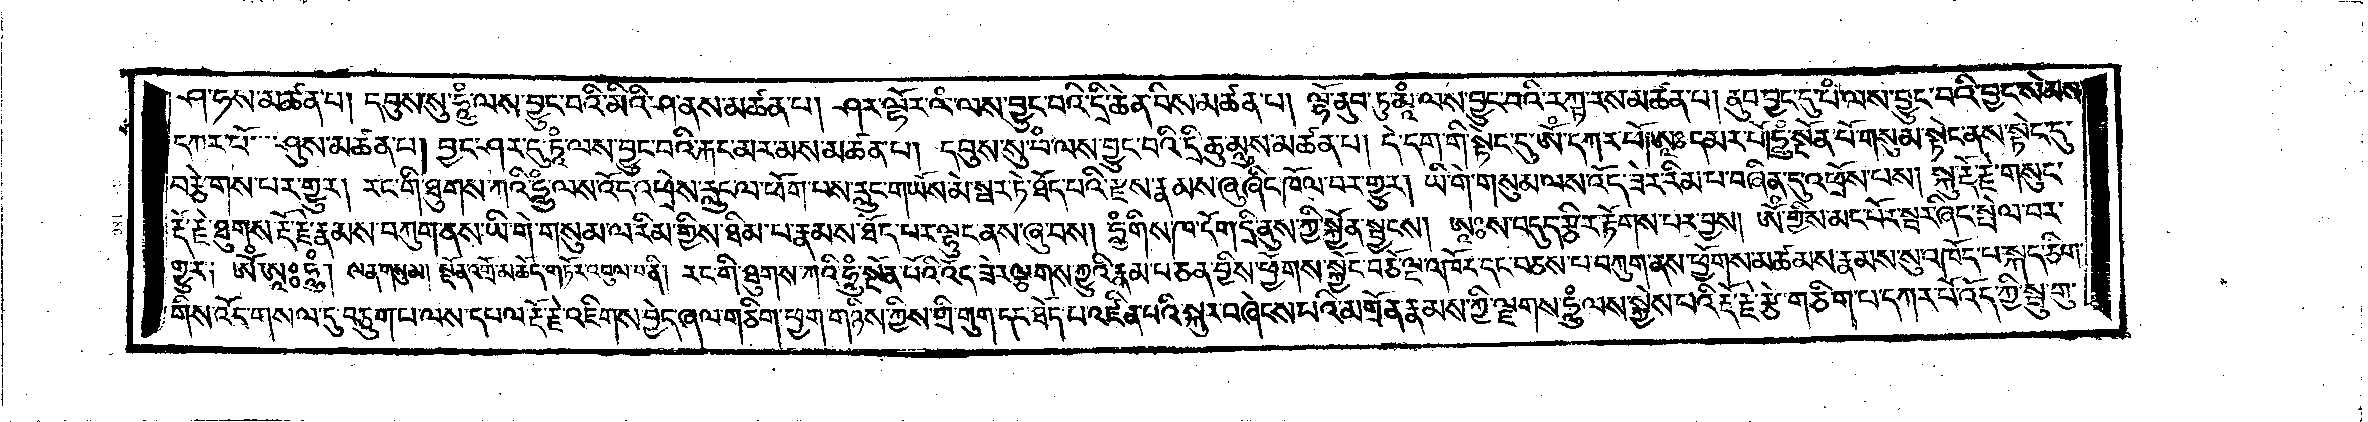ཤ་ཧས་མཚན་པ། དབུས་སུ་ཧཱུཾ་ལས་བྱུང་བའི་མིའི་ཤ་ནས་མཚན་པ། ཤར་ལྷོར་ལཾ་ལས་བྱུང་བའི་དྲི་ཆེན་བིས་མཚན་པ། ལྷོ་ནུབ་ཏུ་མཱཾ་ལས་བྱུང་བའི་རཀྟ་རས་མཚན་པ། ནུབ་བྱང་དུ་པཾ་ལས་བྱུང་བའི་བྱང་སེམས་
དཀར་པོ་ཤུས་མཚན་པ། བྱང་ཤར་དུ་ཏཱཾ་ལས་བྱུང་བའི་རྐང་མར་མས་མཚན་པ། དབུས་སུ་པཾ་ལས་བྱུང་བའི་དྲི་ཆུ་མཱུས་མཚན་པ། དེ་དག་གི་སྟེང་དུ་ཨོཾ་དཀར་པོ། ཨཱཿ དམར་པོ། ཧཱུཾ་སྔོན་པོ་གསུམ་སྟེང་ནས་སྟེང་དུ་
བརྩེགས་པར་གྱུར། རང་གི་ཐུགས་ཀའི་ཧཱུཾ་ལས་འོད་འཕྲོས་རླུང་ལ་ཕོག་པས་རླུང་གཡོས་མེ་སྦར་ཏེ་ཐོད་པའི་རྫས་རྣམས་ཞུ་རྣམས་ཞུ་ཞིང་ཁོལ་བར་གྱུར། ཡི་གེ་གསུམ་ལས་འོད་ཟེར་རིམ་པ་འཕྲོས་པས། སྐུ་རྡོ་རྗེ་གསུང་
རྡོ་རྗེ་ཐུགས་རྡོ་རྗེ་རྣམས་བཀུག་ནས་ཡི་གེ་གསུམ་ལ་རིམ་གྱིས་ཐིམ་པ་རྣམས་ཐོད་པར་ལྷུང་ནས་ཞུ་བས། ཧཱུཾ་གྱིས་ཁ་དོག་དྲི་ནུས་ཀྱི་སྐྱོན་སྤྱན། ཨཱཿ ས་བདུད་རྩིར་རྟོགས་པར་བྱས་ཨོཾ་གྱིས་མང་པོར་སྦར་ཞིང་སྤེལ་བར་
གྱུར༑ ཨོཾ་ཨཱཿ ཧཱུཾ། ལན་གསུམ།  སྔོན་འགྲོ་མཆོད་གཏོར་འབུལ་བ་ནི། རང་གི་ཐུགས་ཀའི་ཧཱུཾ་སྔོན་པོའི་འོད་ཟེར་ལྕགས་ཀྱུའི་རྣམ་པ་ཅན་བྱིས་ཕྱོགས་སྐྱོང་བཅོ་ལྔ་འཁོར་དང་བཅས་པ་བཀུག་ནས་ཕྱོགས་མཚམས་རྣམས་སུ་འཁོད་པ་སྐད་ཅིག་
གིས་འོད་གསལ་དུ་བཅུག་པ་ལས་དཔལ་རྡོ་རྗེ་འཇིགས་བྱེད་ཞལ་གཅིག་ཕྱག་གཉིས་ཀྱིས་གྲི་གུག་དང་ཐོད་པ་འཛིན་པའི་སྐུར་བཞེངས་པའི་མགྲོན་རྣམས་ཀྱི་ལྗགས་ཧཱུཾ་ལས་སྐྱེས་པའི་རྡོ་རྗེ་རྩེ་གཅིག་པ་དཀར་པོ་འོད་ཀྱི་སྦུ་གུ་